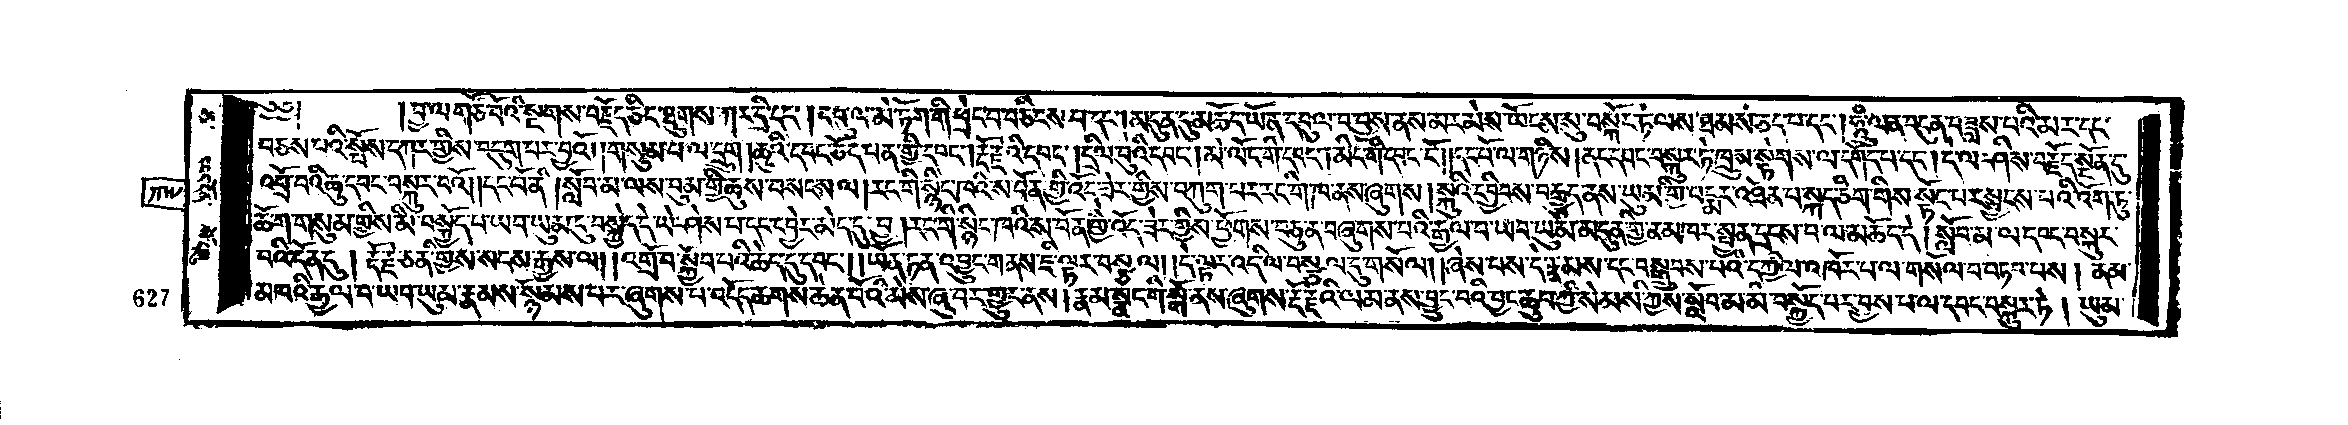༄༅། །བྱ་ལ་གཙོ་བོའི་སྔགས་བརྗོད་ཅིང་ཐུགས་ཀར་དྲི་དང་། དབུ་ལ་མེ་ཏོག་གི་ཕྲེང་བ་བཅིངས་པ་དང་། མདུན་དུ་མཆོད་ཡོན་དབུལ་བ་བྱས་ནས་མར་མེས་ཡོངས་སུ་བསྐོར་ཏེ་ལས་ཐམས་ཅད་པ་དང་། ཧཱུཾ་ལན་བདུན་བཟླས་པའི་མར་དང་
བཅས་པའི་སྤོས་དཀར་གྱིས་བདུག་པར་བྱའོ། །གསུམ་པ་ལ་དྲུག །ཆུའི་དབང་ཅོད་པན་གྱི་དབང་། རྡོ་རྗེའི་དབང་། དྲིལ་བུའི་དབང་། མེ་ལོང་གི་དབང་། མིང་གི་དབང་ངོ། །དང་པོ་ལ་གཉིས། ནང་དབང་བསྐུར་ཏེ་ཁྲུས་སྟེགས་ལ་དགོད་པ་དང་། དེ་ལ་ཤིས་བརྗོད་སྔོན་དུ་
འགྲོ་བའི་ཆུ་དབང་བསྐུར་བའོ། །དང་པོ་ནི། སློབ་མ་ལས་བུམ་གྱི་ཆུས་བསངས་ལ། རང་གི་སྙིང་ཁའི་ས་བོན་གྱི་འོད་ཟེར་གྱིས་བཀུག་པར་རང་གི་ཁ་ནས་ཞུགས། སྐུའི་དབྱིབས་བརྒྱུད་ནས་ཡུམ་གྱི་པདམར་འཐོན་པ་སྐད་ཅིག་གིས་སྟོང་པར་སྦྱངས་པའི་འོག་ཏུ་
ཆོ་ག་གསུམ་གྱིས་མི་བསྐྱོད་པ་ཡབ་ཡུམ་དུ་བསྐྱེད་དེ་ཡེ་ཤེས་པ་དང་དབྱེར་མེད་དུ་བྱ། རང་གི་སྙིང་ཁའི་ས་བོན་གྱི་འོད་ཟེར་གྱིས་ཕྱོགས་བཅུ་ན་བཞུགས་པའི་རྒྱལ་བ་ཡབ་ཡུམ་མདུན་གྱི་ནམ་མཁར་སྤྱན་དྲངས་པ་ལ་མཆོད་དེ་།སློབ་མ་ལ་དབང་བསྐུར་
བའི་དོན་དུ། རྡོ་རྗེ་ཅན་གྱིས་སངས་རྒྱས་ལ། །འགྲོ་བ་སྐྱོབ་པའི་ཆེད་དུ་དབང་། །ཡོན་ཏན་འབྱུང་གནས་ཇི་ལྟར་བསྩལ། །དེ་ལྟར་འདི་ལ་བསྩལ་དུ་གསོལ། །ཞེས་པས་དེ་རྣམས་དང་བསྒྲུབས་པའི་དཀྱིལ་འཁོར་པ་ལ་གསོལ་བ་བཏབ་པས། ནམ་
མཁའི་རྒྱལ་བ་ཡབ་ཡུམ་རྣམས་སྙོམས་པར་ཞུགས་པ་འདོད་ཆགས་ཆེན་པོའི་མེས་ཞུ་བར་གྱུར་ནས། རྣམ་སྣང་གི་སྒོ་ནས་ཞུགས་རྡོ་རྗེའི་ལམ་ནས་བྱུང་བའི་བྱང་ཆུབ་ཀྱི་སེམས་ཀྱིས་སློབ་མ་མི་བསྐྱོད་པར་བྱས་པ་ལ་དབང་བསྐུར་ཏེ། ཡུམ་